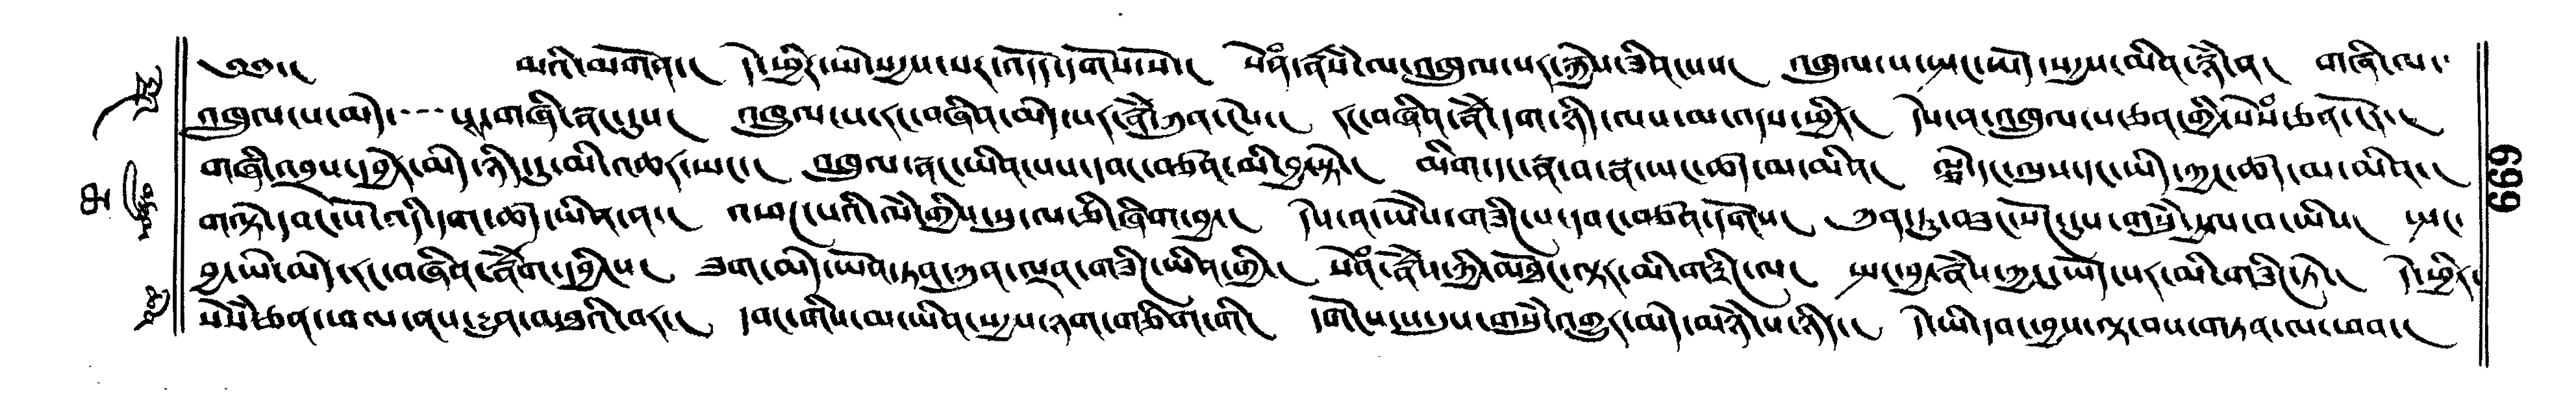མའི་མགོན། །དེ་ཕྱིར་ཡེ་སངས་རྒྱས་པར་འདོད་དགོས་སོ། །སེམས་ཅན་རྣམས་ལ་འཁྲུལ་པར་སྐྱེས་ཟིན་པས། །འཁྲུལ་པ་སྤང་ཡོད་སངས་རྒྱས་མིན་སྙམ་ན། །གཞི་ལ་
འཁྲུལ་པ་མེད་པས་གཞི་སྣང་དུས། །འཁྲུལ་པ་རང་བཞིན་མེད་པར་རྣམ་ཀུན་ངེས། །རང་བཞིན་རྣམ་དག་ཉིད་ལས་མ་འདས་ཕྱིར། །དེས་ན་འཁྲུལ་པ་ཅན་གྱི་སེམས་ཅན་ངོར། །
གཞི་འབྲས་དབྱེར་མེད་ཉིད་དུ་མི་འཆར་ཡང་། །འཁྲུལ་སྣང་ཡིན་པས་དབང་བཙན་མི་བྱ་སྟེ། །མིག་དང་སྣ་བ་སྣ་ཡང་ཚད་མ་མིན། །ལྕེ་དང་ལུས་དང་ཡིད་ཀྱང་ཚད་མ་མིན། །
གལ་ཏེ་དབང་པོ་འདི་དག་ཚད་ཡིན་ན། །འཕགས་པའི་ལམ་གྱིས་སུ་ལ་ཅི་ཞིག་བྱ། །དེས་ན་ཡེ་ཤེས་གཟིགས་པ་དབང་བཙན་དགོས། །ཀུན་ཏུ་བཟང་སོགས་དུས་གསུམ་རྒྱལ་བ་ཡིས། །སྤང་
བྱ་ཡེ་མེད་རང་བཞིན་རྣམ་དག་དབྱིངས། །ཟག་མེད་ཡོན་ཏན་ཀུན་ལྡན་གཟིགས་ཡིན་གྱི། །སེམས་ཅན་རྣམས་ཀྱི་མཐོང་ལྟར་མི་གཟིགས་ལ། །སྤང་བྱ་རྣམས་ཀྱང་ཡོད་པར་མི་གཟིགས་ཏེ། །དེ་ཕྱིར་
སེམས་ཅན་ཕལ་ནས་རྒྱུན་མཐའི་བར། །དབང་གིས་མ་ཡིན་སངས་རྒྱས་ཉག་གཅིག་གི།དགོངས་པ་དུས་གསུམ་འགྱུར་མེད་མཉམ་པ་ཉིད། །དེ་ཡི་དབང་བྱས་ལྟ་བས་གཏན་ལ་ཕབ།